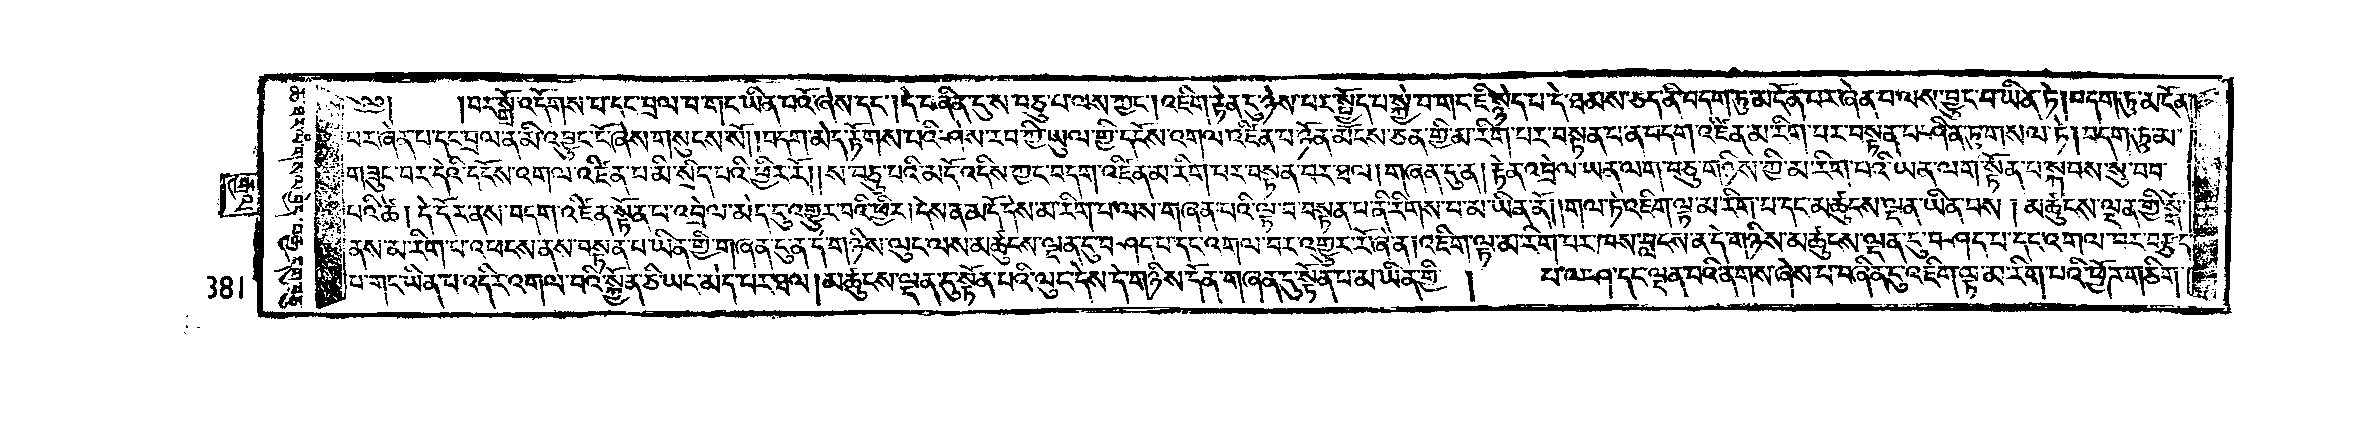༄༅། །པར་སྒྲོ་འདོགས་པ་དང་བྲལ་བ་གང་ཡིན་པའོ་ཞེས་དང་། དེ་བཞིན་དུ་ས་བཅུ་པ་ལས་ཀྱང་། འཇིག་རྟེན་དུ་ཉེས་པར་སྤྱོད་པ་སྐྱེ་བ་གང་ཇི་སྙེད་པ་དེ་ཐམས་ཅད་ནི་བདག་ཏུ་མངོན་པར་ཞེན་པ་ལས་བྱུང་བ་ཡིན་ཏེ། བདག་ཏུ་མངོན་
པར་ཞེན་པ་དང་བྲལ་ན་མི་འབྱུང་ངོ་ཞེས་གསུངས་སོ། །བདག་མེད་རྟོགས་པའི་ཤེས་རབ་ཀྱི་ཡུལ་གྱི་དངོས་འགལ་འཛིན་པ་ཉོན་མོངས་ཅན་གྱི་མ་རིག་པར་བསྟན་པ་ན་བདག་འཛིན་མ་རིག་པར་བསྟན་པ་ཤིན་ཏུ་གསལ་ཏེ། བདག་ཏུ་མ་
གཟུང་བར་དེའི་དངོས་འགལ་འཛིན་པ་མི་སྲིད་པའི་ཕྱིར་རོ། །ས་བཅུ་པའི་མདོ་འདིས་ཀྱང་བདག་འཛིན་མ་རིག་པར་བསྟན་པར་ཐལ། གཞན་དུ་ན། རྟེན་འབྲེལ་ཡན་ལག་བཅུ་གཉིས་ཀྱི་མ་རིག་པའི་ཡན་ལག་སྟོན་པ་སྐབས་སུ་བབ་
པའི་ཚེ། དེ་དོར་ནས་བདག་འཛིན་སྟོན་པ་འབྲེལ་མེད་དུ་འགྱུར་བའི་ཕྱིར། དེས་ན་མདོ་དེས་མ་རིག་པ་ལས་གཞན་པའི་ལྟ་བ་བསྟན་པ་ནི་རིགས་པ་མ་ཡིན་ནོ། །གལ་ཏེ་འཇིག་ལྟ་མ་རིག་པ་དང་མཚུངས་ལྡན་ཡིན་པས། མཚུངས་ལྡན་གྱི་སྒོ་
ནས་མ་རིག་པ་འཕངས་ནས་བསྟན་པ་ཡིན་གྱི་གཞན་དུ་ན་དེ་གཉིས་ལུང་ལས་མཚུངས་ལྡན་དུ་བཤད་པ་དང་འགལ་བར་འགྱུར་རོ་ཞེ་ན། འཇིག་ལྟ་མ་རིག་པར་ཁས་བླངས་ན་དེ་གཉིས་མཚུངས་ལྡན་དུ་བཤད་པ་དང་འགལ་བར་བརྩད་
པ་གང་ཡིན་པ་འདིར་འགལ་བའི་སྐྱོན་ཅི་ཡང་མེད་པར་ཐལ། མཚུངས་ལྡན་དུ་སྟོན་པའི་ལུང་དེས་དེ་གཉིས་དོན་གཞན་དུ་སྟོན་པ་མ་ཡིན་གྱི་། པ་ལ་ཤ་དང་ལྡན་པའི་ནགས་ཞེས་པ་བཞིན་དུ་འཇིག་ལྟ་མ་རིག་པའི་ཕྱོགས་གཅིག་